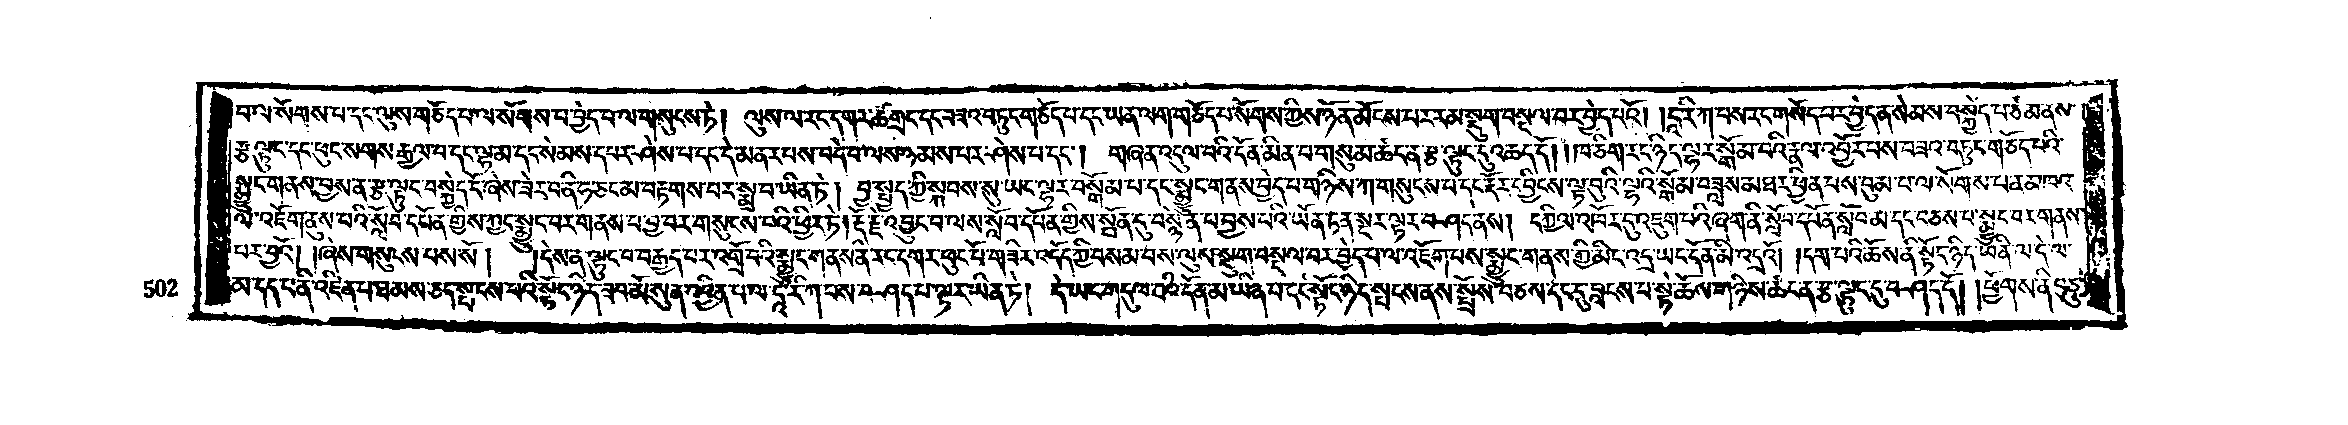བ་ལ་སོགས་པ་དང་ལུས་གཅོད་པ་ལ་སོགས་པ་བྱེད་པ་ལ་གསུངས་ཏེ། ལུས་ལ་རང་དགར་ཚ་གྲང་དང་བཟའ་བཏུང་གཅོད་པ་དང་ཡན་ལག་གཅོད་པ་སོགས་ཀྱིས་ཉོན་མོངས་པར་རམ་སྡུག་བསྔལ་བར་བྱེད་པའོ། །དཱ་རི་ཀ་པས་རང་གསོད་པར་བྱེད་ན་སེམས་བསྐྱེད་པ་ཙམ་ནས་
རྩ་ལྟུང་དང་ཕུང་སོགས་རྒྱལ་བ་དང་ལྷ་མ་དང་སེམས་དཔར་ཤེས་པ་དང་དེ་མནར་པས་བདེ་བ་ལས་ཉམས་པར་ཤེས་པ་དང་། གཞན་འདུལ་བའི་དོན་མིན་པ་གསུམ་ཚང་ན་རྩ་ལྟུང་དུ་འཆད་དོ། །ཁ་ཅིག་རང་ཉིད་ལྷར་སྒོམ་པའི་རྣལ་འབྱོར་བས་བཟའ་བཏུང་གཅོད་པའི་
སྨྱུང་གནས་བྱས་ན་རྩ་ལྟུང་བསྐྱེད་དོ་ཞེས་ཟེར་བ་ནི་ཧ་ཅང་མ་བརྟགས་པར་སྨྲ་བ་ཡིན་ཏེ། བྱ་སྤྱད་ཀྱི་སྐབས་སུ་ཡང་ལྷར་བསྒོམ་པ་དང་སྨྱུང་གནས་བྱེད་པ་གཉིས་ཀ་གསུངས་པ་དང་རྡོར་དབྱིངས་ལྟ་བུའི་ལྷའི་སྒོམ་བཟླས་མཐར་ཕྱིན་པས་བུམ་པ་ལ་སོགས་པ་ནམ་མཁའ་
ལ་འཇོག་ནུས་པའི་སློབ་དཔོན་གྱིས་ཀྱང་སྨྱུང་བར་གནས་པ་བྱ་བར་གསུངས་པའི་ཕྱིར་ཏེ། རྡོ་རྗེ་འབྱུང་བ་ལས་སློབ་དཔོན་གྱིས་སྤོན་?་དུ་བསྙེན་པ་བྱས་པའི་ཡོན་ཏན་སྔར་ལྟར་བཤད་ནས། དཀྱིལ་འཁོར་དུ་འཇུག་པའི་ཞག་ནི་སློབ་དཔོན་སློབ་མ་དང་བཅས་པ་སྨྱུང་བར་གནས་
པར་བྱའོ། །ཞེས་གསུངས་པས་སོ། །དེས་ན་ལྟུང་བ་བརྒྱད་པར་འགྲོ་བའི་སྨྱུང་གནས་ནི་རང་དགར་ཕུང་པོ་གཟིར་འདོད་ཀྱི་བསམ་པས་ལུས་སྡུག་བསྔལ་བར་བྱེད་པ་ལ་འཇོག་པས་སྨྱུང་གནས་ཀྱི་མིང་འདྲ་ཡང་དོན་མི་འདྲའོ། །དག་པའི་ཆོས་ནི་སྟོང་ཉིད་ཡིན་ལ་དེ་ལ་
མ་དད་པ་ནི་འཛིན་པ་ཐམས་ཅད་སྤངས་པའི་སྟོང་ཉིད་ཟབ་མོ་སུན་འབྱིན་པ་ལ་དཱ་རི་ཀ་པས་བཤད་པ་ལྟར་ཡིན་ཏེ། དེ་ཡང་གདུལ་བའི་དོན་མ་ཡིན་པ་དང་སྟོང་ཉིད་སྤངས་ནས་སྤྲོས་བཅས་དང་དུ་བླངས་པ་སྟེ་ཆོས་གཉིས་ཚང་ན་རྩ་ལྟུང་དུ་བཤད་དོ། །ཕྱོགས་ནི་བཅུ་